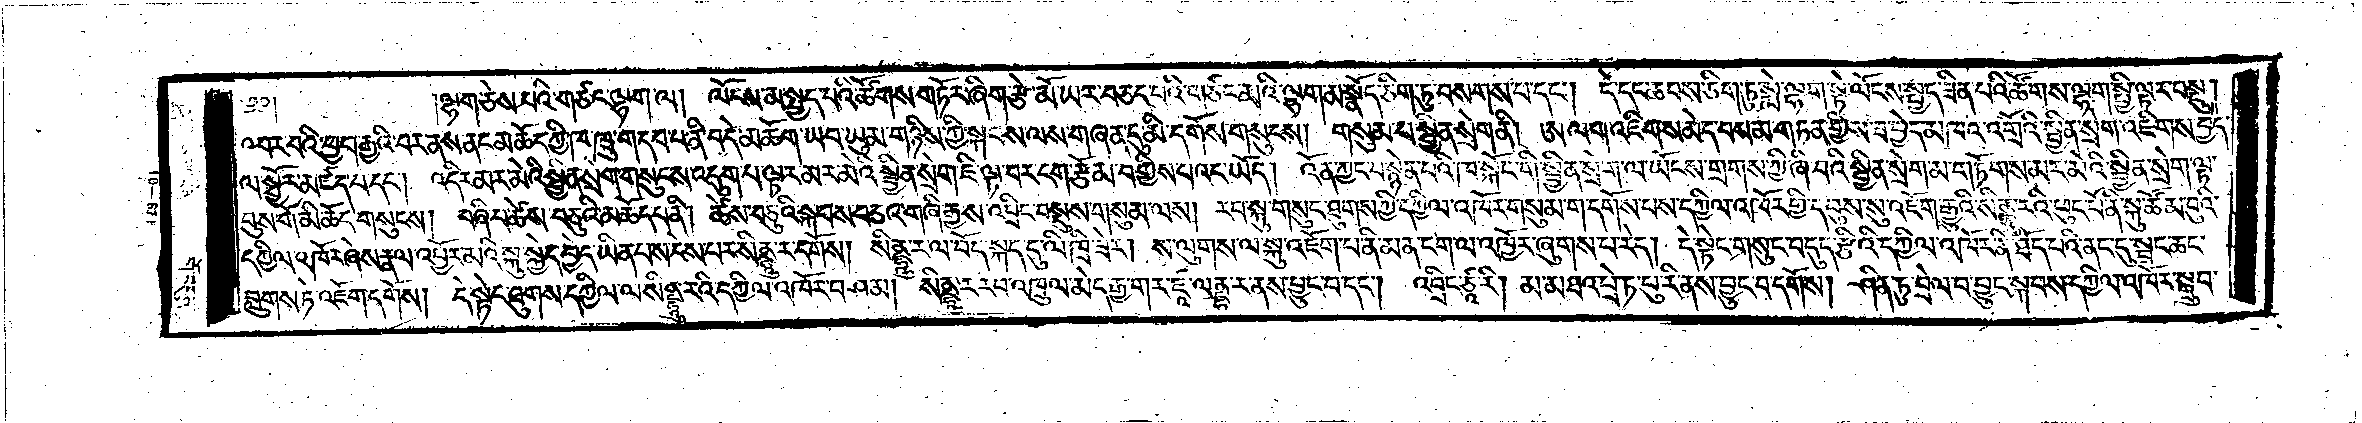༄༅། །ལྷག་ཅེས་པའི་གཙང་ལྷག་ལ། ལོངས་མ་སྤྱད་པའི་ཚོགས་གཏེར་ཞིག་རྩེ་མོ་ཡར་བཅད་པའི་གཙང་མའི་ལྷག་མ་སྣོད་ཅིག་ཏུ་བསགས་པ་དང་། དེ་དང་ཆབས་ཅིག་ཏུ་སྨེ་ལྷག་སྟེ་ལོངས་སྤྱད་ཟིན་པའི་ཚོགས་ལྷག་སྤྱི་ལྟར་བསྡུ།
འབར་བའི་ཕྱག་རྒྱའི་བར་ནས་ནང་མཆོད་ཀྱི་ཁ་ཁྲུ་གདབ་པ་ནི་བདེ་མཆོག་ཡབ་ཡུམ་གཉིས་ཀྱི་སྐབས་ལས་གཞན་དུ་མི་དགོས་གསུངས། གསུམ་པ་སྦྱིན་སྲེག་ནི། ཨ་ལག་འཇིགས་མེད་བསམ་གཏན་གྱིས་ཟ་བྱེད་མཁའ་འགྲོའི་སྦྱིན་སྲེག་འཇིགས་བྱེད་
ལ་སྦྱོར་མཛད་པ་དང་། འདིར་མར་མེའི་སྦྱིན་སྲེག་གསུངས་འདུག་བ་ལྟར་མར་མེའི་སྦྱིན་སྲེག་ཇི་ལྟ་བ་རང་གྲྩོམ་བགྱིས་པའང་ཡོད། འོན་ཀྱང་བསྙེན་པའི་ཁ་སྐོང་གི་སྦྱིན་སྲེག་ལ་ཡོངས་གྲགས་ཀྱི་ཞི་བའི་སྦྱིན་སྲེག་མ་གཏོགས་མར་མེའི་སྦྱིན་སྲེག་ལྟ་
བུས་གོ་མི་ཆོད་གསུངས། བཞི་པ་ཚེས་བཅུའི་མཆོད་པ་ནི། ཚེས་བཅུའི་སྐབས་བཅའ་གཞི་རྒྱས་འབྲིང་བསྡུས་གསུམ་ལས། རབ་སྐུ་གསུང་ཐུགས་ཀྱི་དཀྱིལ་འཁོར་གསུམ་ག་དགོས་པས་དཀྱིལ་འཁོར་གྱི་དབུས་སུ་འཇོག་རྒྱུའི་སིནྡྷཱུ་རའི་ཕུང་པོ་ནི་སྐུ་ཚོམ་བུའི་
དཀྱིལ་འཁོར་ཞེས་རྣལ་འབྱོར་མའི་སྐུ་སྐྱེད་བྱེད་ཡིན་པས་ངེས་པར་སིནྡྷཱུ་ར་དགོས། སིནྡྷཱུ་ར་ལ་བོད་སྐད་དུ་ལི་ཁྲི་ཟེར། ས་ལུགས་ལ་སྐུ་འཇོག་པ་ནི་མན་ངག་ལ་འཁྱོར་ཞུགས་པ་རེད། དེ་སྟེང་གསུང་བདུད་རྩིའི་དཀྱིལ་འཁོར་ནི་ཐོད་པའི་ནང་དུ་སྦྲད་ཆང་
བླུགས་ཏེ་འཇོག་དགོས། དེ་སྟེང་ཐུགས་དཀྱིལ་ལ་སིནྡྷཱུ་རའི་དཀྱིལ་འཁོར་བཤམ། སིནྡྷཱུ་ར་རབ་འཁྲུལ་མེད་རྒྱ་གར་ཛཱ་ལནྡྷ་ར་ནས་བྱུང་བ་དང་། འབྲིང་ཙཱ་རི། མ་མཐའ་བྲེ་ཏ་བུ་རི་ནས་བྱུང་བ་དགོས། ཤིན་ཏུ་བྲེལ་བ་བྱུང་སྐབས་དཀྱིལ་འཁོར་སྒྲུབ་